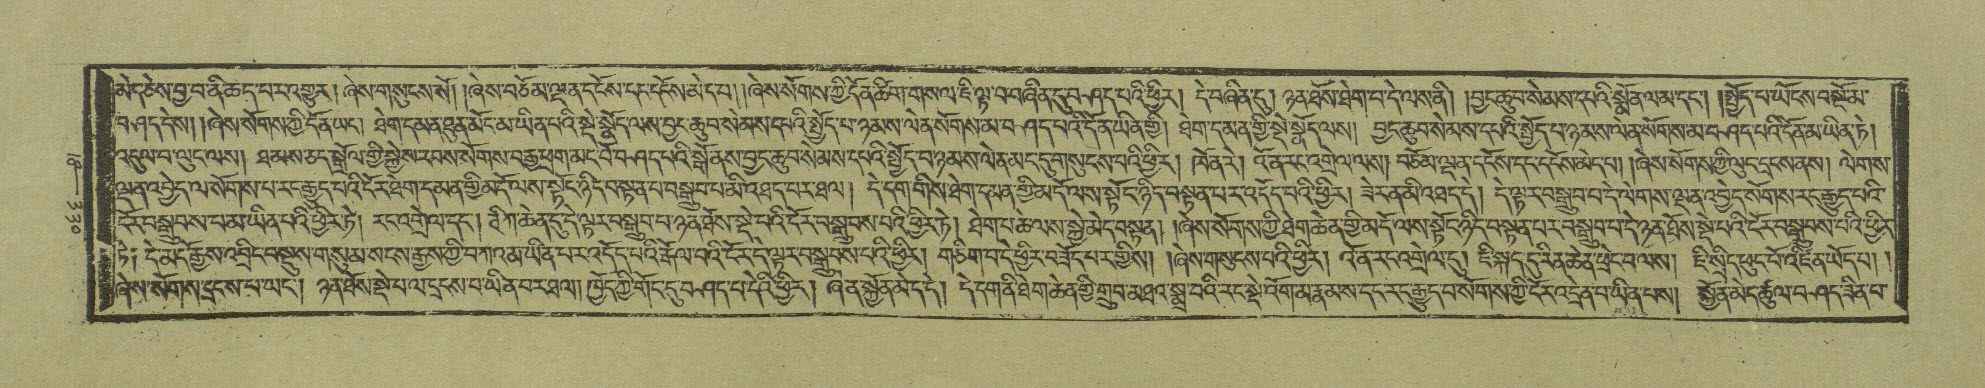མེད་ཅེས་བྱ་བ་ནི་ཆད་པར་འགྱུར། ཞེས་གསུངས་སོ། །ཞེས་བཅོམ་ལྡན་དངོས་དང་དངོས་མེད་པ། །ཞེས་སོགས་ཀྱི་དོན་ཚིག་གསལ་ཇི་ལྟ་བ་བཞིན་དུ་བཤད་པའི་ཕྱིར། དེ་བཞིན་དུ། ཉན་ཐོས་ཐེག་པ་དེ་ལས་ནི། །བྱང་ཆུབ་སེམས་དཔའི་སྨོན་ལམ་དང་། །སྤྱོད་པ་ཡོངས་བསྔོ་མ་
བཤད་དེས། །ཞེས་སོགས་ཀྱི་དོན་ཡང་། ཐེག་དམན་ཐུན་མོང་མ་ཡིན་པའི་སྡེ་སྣོད་ལས་བྱང་ཆུབ་སེམས་དཔའི་སྤྱོད་པ་ཉམས་ལེན་སོགས་མ་བཤད་པའི་དོན་ཡིན་གྱི། ཐེག་དམན་གྱི་སྡེ་སྣོད་ལས། བྱང་ཆུབ་སེམས་དཔའི་སྤྱོད་པ་ཉམས་ལེན་སོགས་མ་བཤད་པའི་དོན་མ་ཡིན་ཏེ།
འདུལ་བ་ལུང་ལས། ཐམས་ཅད་སྒྲོལ་གྱི་སྐྱེས་རབས་སོགས་བརྒྱ་ཕྲག་མང་པོ་བཤད་པའི་སྒོ་ནས་བྱང་ཆུབ་སེམས་དཔའི་སྤྱོད་པ་ཉམས་ལེན་མང་དུ་གསུངས་པའི་ཕྱིར། ཁོ་ན་རེ། འོ་ན་རང་འགྲེལ་ལས། བཅོམ་ལྡན་དངོས་དང་དངོས་མེད་པ། །ཞེས་སོགས་ཀྱི་ལུང་དྲངས་ནས། ལེགས་
ལྡན་འབྱེད་ལ་སོགས་པ་རང་རྒྱུད་པའི་ངོར་ཐེག་དམན་གྱི་མདོ་ལས་སྟོང་ཉིད་བསྟན་པ་བསྒྲུབ་པ་མི་འཐད་པར་ཐལ། དེ་དག་གིས་ཐེག་དམན་གྱི་མདོ་ལས་སྟོང་ཉིད་བསྟན་པར་འདོད་པའི་ཕྱིར། ཟེར་ན་མི་འཐད་དེ། དེ་ལྟར་བསྒྲུབ་པ་དེ་ལེགས་ལྡན་འབྱེད་སོགས་རང་རྒྱུད་པའི་
ངོར་བསྒྲུབས་པ་མ་ཡིན་པའི་ཕྱིར་ཏེ། རང་འགྲེལ་དང་། ཊིཀ་ཆེན་དུ་དེ་ལྟར་བསྒྲུབ་པ་ཉན་ཐོས་སྡེ་པའི་ངོར་བསྒྲུབས་པའི་ཕྱིར་ཏེ། ཐེག་པ་ཆེ་ལས་སྐྱེ་མེད་བསྟན། །ཞེས་སོགས་ཀྱི་ཐེག་ཆེན་གྱི་མདོ་ལས་སྟོང་ཉིད་བསྟན་པར་བསྒྲུབ་པ་དེ་ཉན་ཐོས་སྡེ་བའི་ངོར་བསྒྲུབས་པའི་ཕྱིར་
ཏེ། དེ་མདོ་རྒྱས་འབྲིང་བསྡུས་གསུམ་སངས་རྒྱས་ཀྱི་བཀའ་མ་ཡིན་པར་འདོད་པའི་རྒོལ་བའི་ངོར་དེ་ལྟར་བསྒྲུབས་པའི་ཕྱིར། གཅིག་པ་དེ་ཕྱིར་བཟོད་པར་གྱིས། །ཞེས་གསུངས་པའི་ཕྱིར། འོ་ན་རང་འགྲེལ་དུ། ཇི་སྐད་དུ་རིན་ཆེན་ཕྲེང་བ་ལས། ཇི་སྲིད་ཕུང་པོ་འཛིན་ཡོད་པ། །
ཞེས་སོགས་དྲངས་པ་ཡང་། ཉན་ཐོས་སྡེ་པ་ལ་དྲངས་པ་ཡིན་པར་ཐལ། ཁྱོད་ཀྱི་གོང་དུ་བཤད་པ་དེའི་ཕྱིར། ཞེ་ན་སྐྱོན་མེད་དེ། དེ་དག་ནི་ཐེག་ཆེན་གྱི་གྲུབ་མཐའ་སྨྲ་བའི་རང་སྡེ་འོག་མ་རྣམས་དང་རང་རྒྱུད་པ་སོགས་ཀྱི་ངོར་འདྲེན་པ་ཡིན་པས། སྐྱོན་མེད་ཚུལ་བཤད་ཟིན་པ་